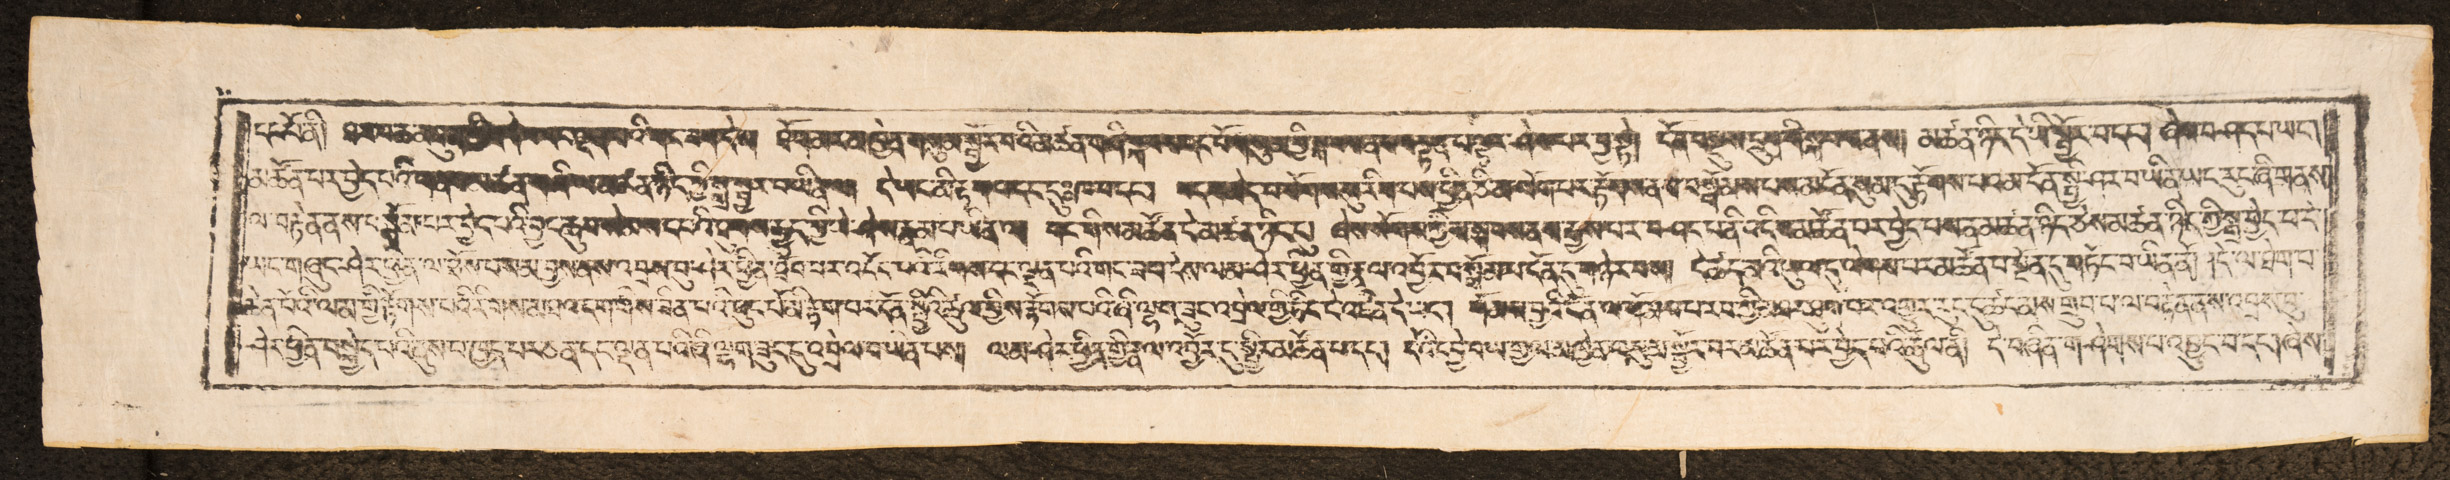དང་པོ་ནི། ཐར་པ་ཆ་མཐུན་གྱི་དགེ་བ་དང་ལྡན་པའི་གང་ཟག་དེས། ཐོག་མར་མཁྱེན་གསུམ་སྦྱོར་བའི་མཚན་གཞི་སྐབས་དང་པོ་གསུམ་གྱི་སྐབས་ནས་བསྟན་པ་ལྟར་ཤེས་པར་བྱ་སྟེ། དོན་བསྡུས་དྲུག་གི་སྐབས་ནས། མཚན་ཉིད་དེ་ཡི་སྦྱོར་བ་དང་། ཞེས་བཤད་པ་ཡང་།
མཚོན་པར་བྱེད་པའི་གནས་མཚན་གཞི་ལ་མཚན་ཉིད་ཀྱི་སྒྲ་སྦྱར་བ་ཡིན་ལ། དེ་ཡང་མི་རྟག་པ་དང་དུཿ ཁ་བ་དང་། བདག་མེད་པ་སོགས་སུ་རིག་པས་ཕྱིན་ཅི་མ་ལོག་པར་རྟོགས་ནས་བསྒོམས་པས་མངོན་སུམ་དུ་རྟོགས་པའམ་དོན་སྤྱི་ཤར་བ་ཡིན་ཡང་རུང་ཞི་གནས་
ལ་བརྟེན་ནས་བསྒོམ་པར་བྱེད་པའི་བྱང་ཆུབ་སེམས་དཔའི་ཐུགས་རྒྱུད་ཀྱི་ཡེ་ཤེས་རྣམ་པ་ཡིན་ལ། གང་གིས་མཚོན་དེ་མཚན་ཉིད་དུ། ཞེས་སོགས་ཀྱིས་སྐབས་ནས་རྒྱས་པར་བཤད་པ་ནི་འདིས་མཚོན་པར་བྱེད་པས་ན་མཚན་ཉིད་ཅེས་མཚན་ཉིད་ཀྱི་སྒྲ་བྱེད་པ་དེ་
ཡང་གཞུང་ཤེར་ཕྱིན་ལ་ཐོས་བསམ་བྱས་ནས་འབྲས་བུ་ཤེར་ཕྱིན་ཐོབ་པར་འདོད་པའི་རིགས་དང་ལྡན་པའི་གང་ཟག་ངེས་ལམ་ཤེར་ཕྱིན་གྱི་རྣལ་འབྱོར་བསྒོམ་པ་དོན་དུ་གཉེར་བས། དེ་ཚད་མའི་ཡུལ་དུ་ལེགས་པར་མཚོན་པ་སྔོན་དུ་གཏོང་བ་ཡིན་ནོ། །དེ་ལ་ཐེག་པ་
ཆེན་པོའི་ལམ་གྱི་རྟོགས་པའི་རིགས་མཐའ་དག་གིས་ཟིན་པའི་ཕུང་པོ་མི་རྟག་པར་དོན་སྤྱིའི་ཚུལ་གྱིས་རྟོགས་པའི་ཞི་ལྷག་ཟུང་འབྲེལ་གྱི་ཏིང་ངེ་འཛིན་དེ་ཡང་། གོམས་བྱའི་དོན་ལ་གོམས་པ་རབ་ཀྱི་མཐར་ཐུག་པར་འགྱུར་རུང་དུ་ཚད་མས་གྲུབ་པ་ལ་བརྟེན་ནས་འབྲས་བུ་
ཤེར་ཕྱིན་བསྐྱེད་པའི་ནུས་པ་ཁྱད་པར་ཅན་དང་ལྡན་པའི་ཞི་ལྷག་ཟུང་དུ་འབྲེལ་བ་ཡིན་པས། ལམ་ཤེར་ཕྱིན་གྱི་རྣལ་འབྱོར་དུ་སྤྱིར་མཚོན་པ་དང་། དེའི་དབྱེ་བ་ཡ་གྱལ་མཁྱེན་གསུམ་སྦྱོར་བར་མཚོན་པར་བྱེད་པའི་ཚུལ་ནི། དེ་བཞིན་གཤེགས་པ་འབྱུང་བ་དང་། ཞེས་